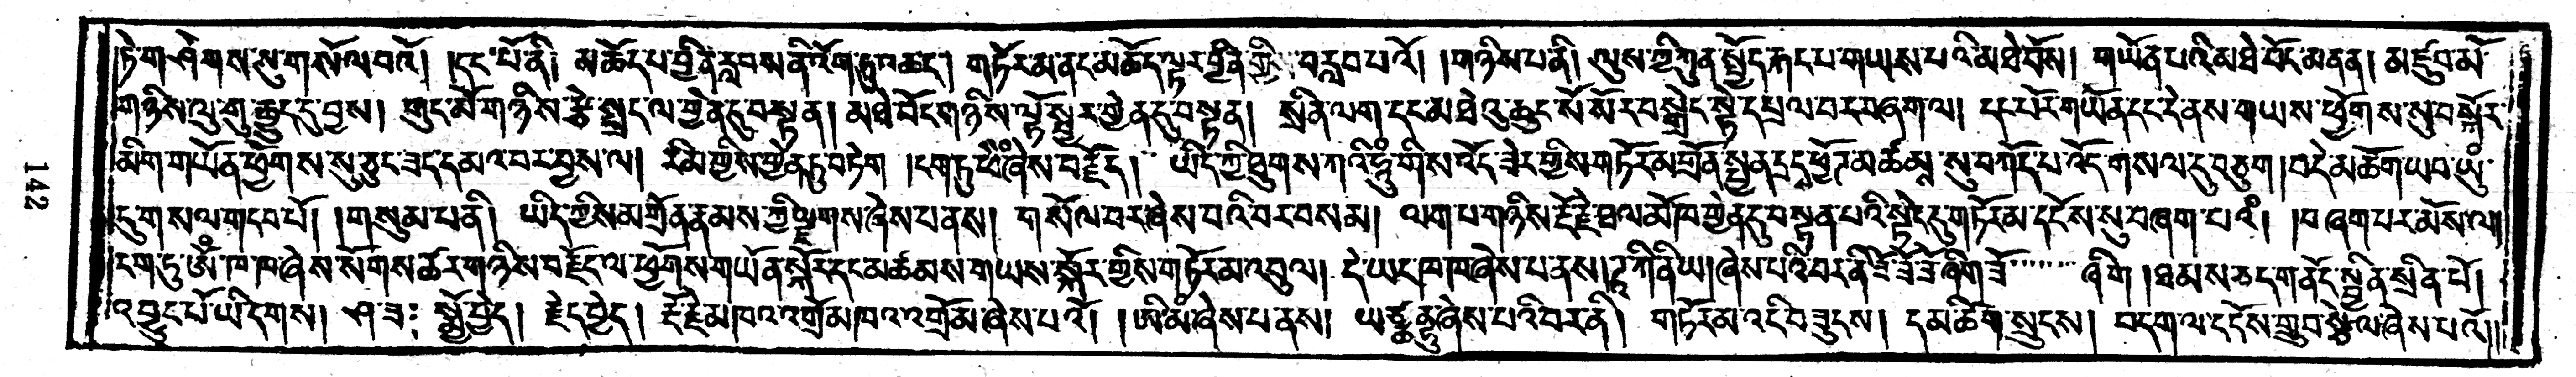ཏེ་གཤེགས་སུ་གསོལ་བའོ། །དང་པོ་ནི། མཆོད་པ་བྱིན་རླབས་ནི་འོག་ཏུ་འཆང་། གཏོར་མ་ནང་མཆོད་ལྟར་བྱིན་གྱིས་བརླབ་པའོ། །གཉིས་པ་ནི། ལུས་ཀྱི་ཀུན་སྤྱོད་རྐང་པ་གཡས་པའི་མཐེ་བོས། གཡོན་པའི་མཐེ་བོང་མནན། མཛུབ་མོ་
གཉིས་ལུ་གུ་རྒྱུད་དུ་བྱས། གུང་མོ་གཉིས་རྩེ་སྤྲད་ལ་གྱེན་དུ་བསྟན། མཐེ་བོང་གཉིས་ལྟོ་སྦྱར་གྱེན་དུ་བསྟན། སྲིན་ལག་དང་མཐེའུ་ཆུང་སོ་སོར་བསྒྲེང་སྟེ་དཔྲལ་བར་བཞག་ལ། དང་པོར་གཡོན་དང་དེ་ནས་གཡས་ཕྱོགས་སུ་བསྐོར་
མིག་གཡོན་ཕྱོགས་སུ་ཅུང་ཟད་དམའ་བར་བྱས་ལ། རིམ་གྱིས་གྱེན་ཏུ་བཏེག །ངག་ཏུ་ཕཻཾ་ཞེས་བརྗོད། ཡིད་ཀྱི་ཐུགས་ཀའི་ཧཱུཾ་གིས་འོད་ཟེར་གྱིས་གཏོར་མགྲོན་སྤྱན་དྲངས་ཕྱོཊ་མཚམས་སུ་བཀོད་པ་འོད་གསལ་དུ་བཅུག །བདེ་མཆོག་ཡབ་ཡུཾ་
དུ་གསལ་གདབ་པོ། །གསུམ་པ་ནི། ཡིད་ཀྱིས་མགྲོན་རྣམས་ཀྱི་ལྗགས་ཞེས་པ་ནས། གསོལ་བར་ཞེས་པའི་བར་བསམ། ལག་པ་གཉིས་རྡོ་རྗེ་ཐལ་མོ་ཁ་གྱེན་དུ་བསྟན་པའི་སྟེང་དུ་གཏོར་མ་དངོས་སུ་བཞག་པའཾ། །བཞག་པར་མོས་ལ།
ངག་ཏུ་ཨོཾ་ཁ་ཁ་ཞེས་སོགས་ཚར་གཉིས་བརྗོད་ལ་ཕྱོགས་གཡོན་སྐོར་དང་མཚམས་གཡས་སྐོར་གྱིས་གཏོར་མ་འབུལ། དེ་ཡང་ཁ་ཁ་ཞེས་པ་ནས། ཌཱ་ཀི་ནི་ཡ། ཞེས་པའི་བར་ནི་ཟོ་ཟོ་ཟོ་ཞིག་ཟོ་ཞིག །ཐམས་ཅད་གནོད་སྦྱིན་སྲིན་པོ།
འབྱུང་པོ་ཡི་དགས། ཤ་ཟ༑ སྨྱོ་བྱེད། རྗེད་བྱེད། རྡོ་རྗེ་མཁའ་འགྲོ་མཁའ་འགྲོ་མ་ཞེས་པའོ། །ཨི་མཾ་ཞེས་པ་ནས། ཡཙྪནྟུ་ཞེས་པའི་བར་ནི། གཏོར་མ་འདི་བཟུངས། དམ་ཚིག་སྲུངས། བདག་ལ་དངོས་གྲུབ་སྩེལ་ཞེས་པའོ། །